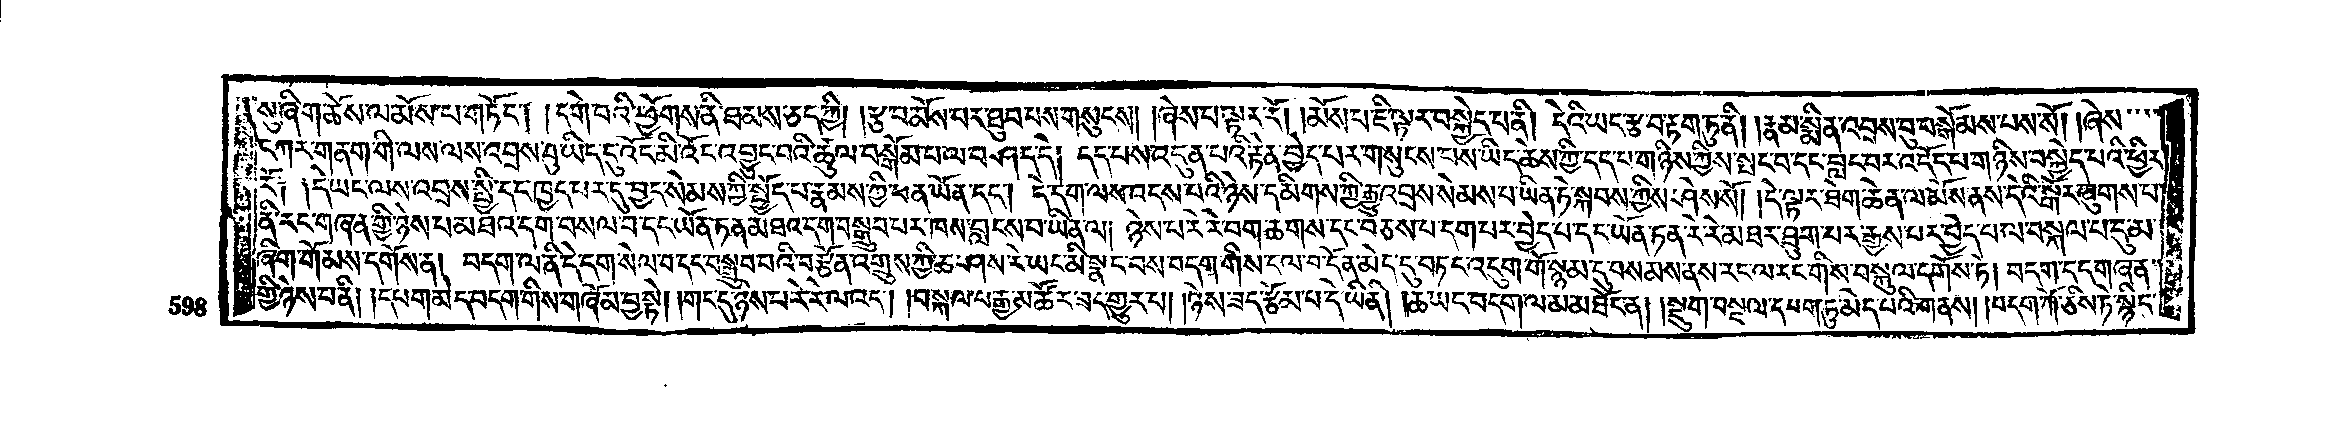སུ་ཞིག་ཆོས་ལ་མོས་པ་གཏོང་། །དགེ་བའི་ཕྱོགས་ནི་ཐམས་ཅད་ཀྱི། །རྩ་བ་མོས་པར་ཐུབ་པས་གསུངས། །ཞེས་པ་ལྟར་རོ། །མོས་པ་ཇི་ལྟར་བསྐྱེད་པ་ནི། དེའི་ཡང་རྩ་བ་རྟག་ཏུ་ནི། །རྣམ་སྨིན་འབྲས་བུ་བསྒོམས་པས་སོ། །ཞེས་
དཀར་གནག་གི་ལས་ལས་འབྲས་བུ་ཡིད་དུ་འོང་མི་འོང་འབྱུང་བའི་ཚུལ་བསྒོམ་པ་ལ་བཤད་དེ། དད་པས་འདུན་པའི་རྟེན་བྱེད་པར་གསུངས་པས་ཡིད་ཆེས་ཀྱི་དད་པ་གཉིས་ཀྱིས་སྤང་བ་དང་བླང་བར་འདོད་པ་གཉིས་བསྐྱེད་པའི་ཕྱིར་
རོ༑ ༑དེ་ཡང་ལས་འབྲས་སྤྱི་དང་ཁྱད་པར་དུ་བྱང་སེམས་ཀྱི་སྤྱོད་པ་རྣམས་ཀྱི་ཕན་ཡོན་དང་། དེ་དག་ལས་འདས་པའི་ཉེས་དམིགས་ཀྱི་རྒྱུ་འབྲས་སེམས་པ་ཡིན་ཏེ་སྐབས་ཀྱིས་ཤེས་སོ། །དེ་ལྟར་ཐེག་ཆེན་ལ་མོས་ནས་དེའི་སྒོར་ཞུགས་པ་
ནི་རང་གཞན་གྱི་ཉེས་པ་མཐའ་དག་བསལ་བ་དང་ཡོན་ཏན་མཐའ་དག་བསྒྲུབ་པར་ཁས་བླངས་པ་ཡིན་ལ། ཉེས་པ་རེ་རེ་བག་ཆགས་དང་བཅས་པ་དག་པར་བྱེད་པ་དང་ཡོན་ཏན་རེ་རེ་མཐར་ཐུག་པར་རྒྱས་པར་བྱེད་པ་ལ་བསྐལ་པ་དུ་མ་
ཞིག་གོམས་དགོས་ན། བདག་ལ་ནི་དེ་དག་སེལ་བ་དང་བསྒྲུབ་པའི་བརྩོན་འགྲུས་ཀྱི་ཆ་ཤས་རེ་ཡང་མི་སྣང་བས་བདག་གིས་དལ་བ་དོན་མེད་དུ་བཏང་འདུག་གོ་སྙམ་དུ་བསམས་ནས་རང་ལ་རང་གིས་བསྐུལ་དགོས་ཏེ། བདག་དང་གཞན་
གྱི་ཉེས་པ་ནི། །དཔག་མེད་བདག་གིས་གཞོམ་བྱ་སྟེ། །གང་དུ་ཉེས་པ་རེ་རེ་ལའང་། །བསྐལ་པ་རྒྱ་མཚོར་ཟད་གྱུར་པ། །ཉེས་ཟད་རྩོམ་པ་དེ་ཡི་ནི། །ཆ་ཡང་བདག་ལ་མ་མཐོང་ན། །སྡུག་བསྔལ་དཔག་ཏུ་མེད་པའི་གནས། །བདག་ཀོ་ཅིས་ཏེ་སྙིང་